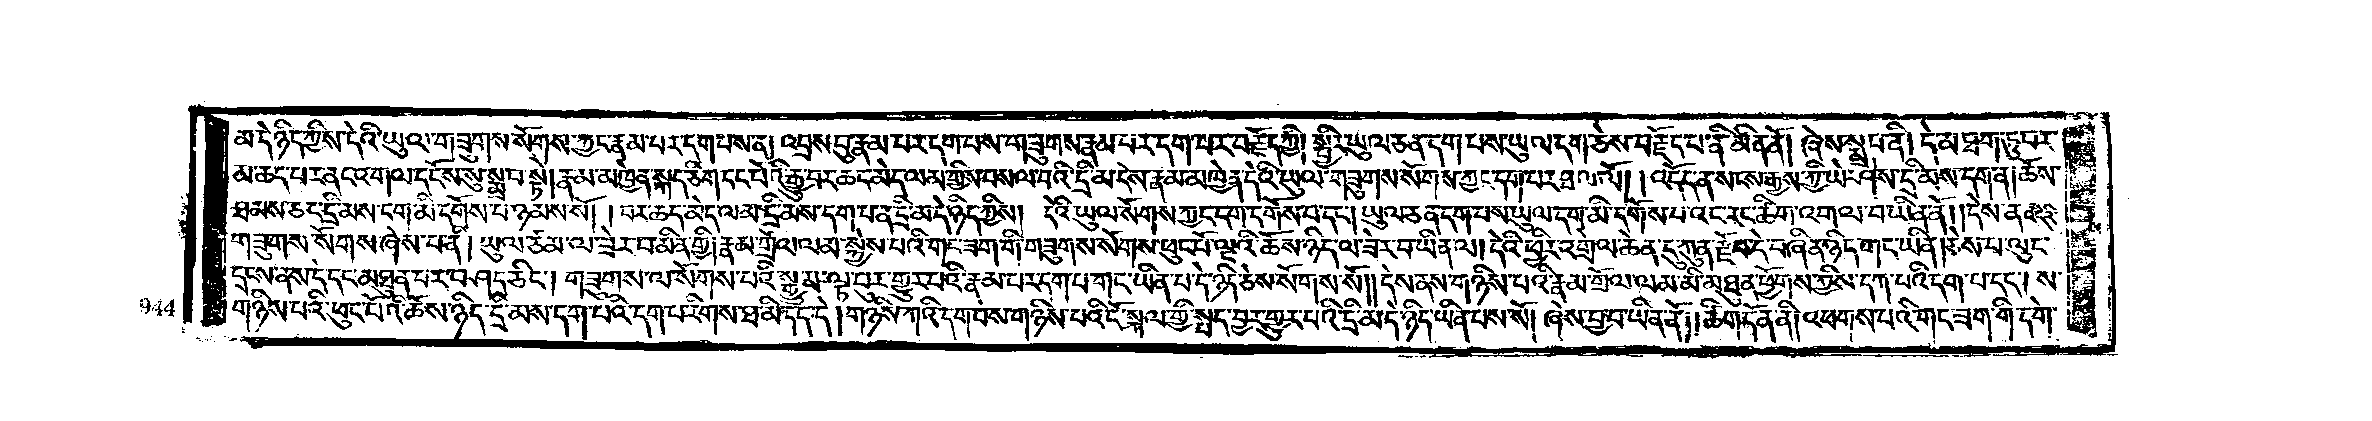མ་དེ་ཉིད་ཀྱིས་དེའི་ཡུལ་གཟུགས་སོགས་ཀྱང་རྣམ་པར་དག་པས་ན། འབྲས་བུ་རྣམ་པར་དག་པས་གཟུགས་རྣམ་པར་དག་པར་བརྗོད་ཀྱི། སྤྱིར་ཡུལ་ཅན་དག་པས་ཡུལ་དག་ཅེས་བརྗོད་པ་ནི་མིན་ནོ། ཞེས་སྨྲ་བ་ནི། དེ་མ་ཐག་ཏུ་བར་
མ་ཆད་པར་ནང་འགལ་དངོས་སུ་སྨྲ་བ་སྟེ། རྣམ་མཁྱེན་སྐད་ཅིག་དང་པོའི་རྒྱུ་བར་ཆད་མེད་ལམ་གྱིས་བསལ་བའི་དྲི་མ་དེས་རྣམ་མཁྱེན་དེའི་ཡུལ་གཟུགས་སོགས་ཀྱང་དག་པར་ཐལ་ལོ། །འདོད་ན་སངས་རྒྱས་ཀྱི་ཡེ་ཤེས་དྲི་མས་དག་ན། ཆོས་
ཐམས་ཅད་དྲི་མས་ངག་མི་དགོས་པ་ཉམས་སོ། །བར་ཆད་མེད་ལམ་དྲི་མས་དག་པ་ན་དྲི་མ་དེ་ཉིད་ཀྱིས། དེའི་ཡུལ་སོགས་ཀྱང་དག་དགོས་པ་དང་། ཡུལ་ཅན་དག་པས་ཡུལ་དག་མི་དགོས་པ་འང་རང་ཚིག་འགལ་བ་ཡིན་ནོ། །དེས་ན་འདིའི་
གཟུགས་སོགས་ཞེས་པ་ནི། ཡུལ་ཙམ་ལ་ཟེར་བ་མིན་གྱི། རྣམ་གྲོལ་ལམ་སྐྱེས་པའི་གང་ཟག་གི་གཟུགས་སོགས་ཕུང་པོ་ལྔའི་ཆོས་ཉིད་ལ་ཟེར་བ་ཡིན་ལ། དེའི་ཕྱིར་འགྲེལ་ཆེན་དུ་ཀུན་རྫོབ་དེ་བཞིན་ཉིད་གང་ཡིན། །ཅེས་པ་ལུང་
དྲངས་ནས་དེ་དང་མཐུན་པར་བཤད་ཅིང་། གཟུགས་ལ་སོགས་པའི་སྒྱུ་མ་ལྟ་བུར་གྱུར་པའི་རྣམ་པར་དག་པ་གང་ཡིན་པ་དེ་ཉིད་ཅེས་སོགས་སོ། །དེས་ནས་གཉིས་པའི་རྣམ་གྲོལ་ལམ་མི་མཐུན་ཕྱོགས་ཀྱིས་དག་པའི་དག་པ་དང་། ས་
གཉིས་པའི་ཕུང་པོའི་ཆོས་ཉིད་དྲི་མས་དག་པའི་དག་པ་རིགས་ཐ་མི་དད་དེ། གཉིས་ཀའི་དག་པས་གཉིས་པའི་ངོ་སྐལ་གྱི་སྤང་བྱར་གྱུར་པའི་དྲི་མ་དེ་ཉིད་ཡིན་པས་སོ། ཞེས་བྱ་བ་ཡིན་ནོ། །ཚིག་དོན་ནི། འཕགས་པའི་གང་ཟག་གི་དགེ་